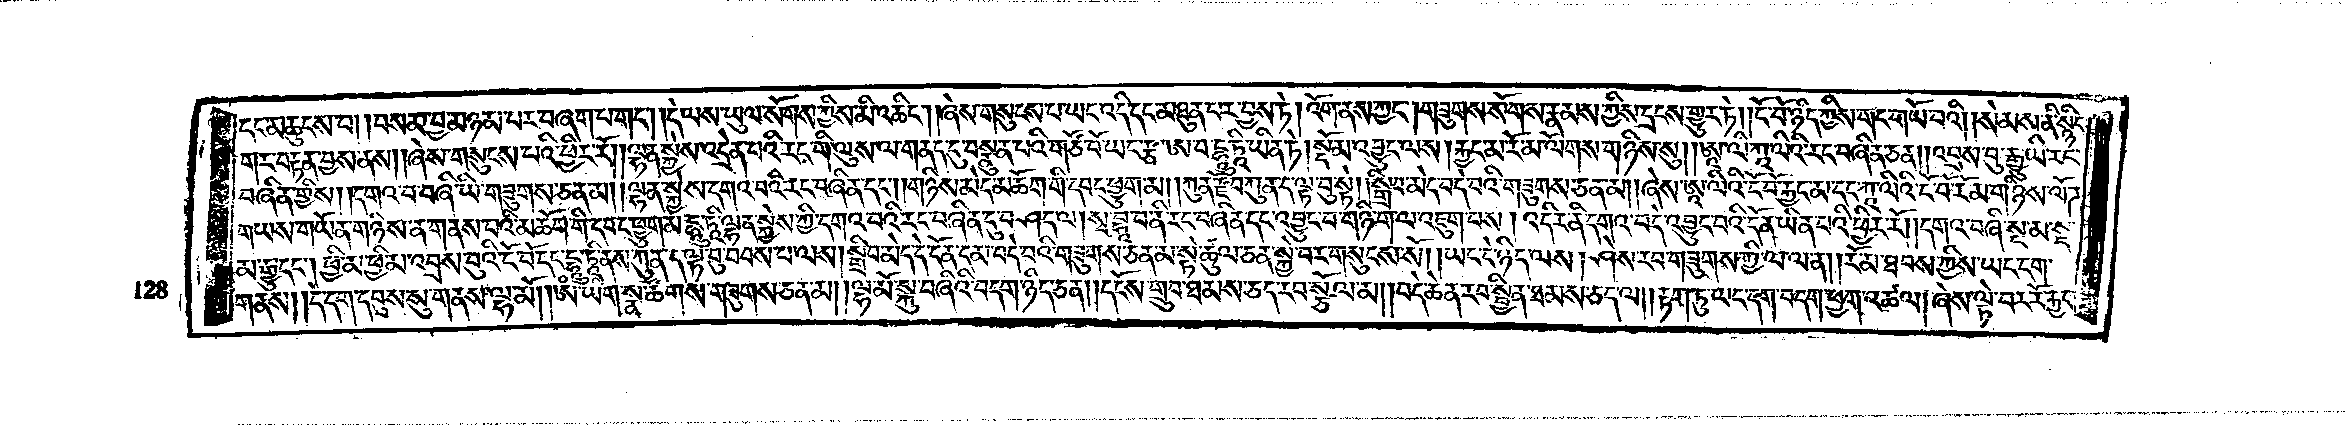དང་མཚུངས་པ། །བསམ་བྱ་མཉམ་པར་བཞག་པ་གང་། །དེ་ལས་ཡུལ་སོགས་ཀྱིས་མི་འཆིང་། །ཞེས་གསུངས་པ་ཡང་འདི་དང་མཐུན་པར་བྱས་ཏེ། འོག་ནས་ཀྱང་། གཟུགས་སོགས་རྣམས་ཀྱིས་དྲངས་གྱུར་ཏེ། །ངོ་བོ་ཉིད་ཀྱིས་གང་གཡོ་བའི། །སེམས་ནི་སྙིང་
གར་བརྟན་བྱས་ནས། །ཞེས་གསུངས་པའི་ཕྱིར་རོ། །ལྷན་སྐྱེས་འདྲེན་པའི་རང་གི་ལུས་ལ་གནད་དུ་བསྣུན་པའི་གཙོ་བོ་ཡང་རྩ་ཨ་བ་དྷཱུ་ཏཱི་ཡིན་ཏེ། སྡོམ་འབྱུང་ལས། རྐྱང་མ་རོ་མ་ལོགས་གཉིས་སུ། །ཨཱ་ལི་ཀཱ་ལིའི་རང་བཞིན་ཅན། །འབྲས་བུ་རྒྱུ་ཡི་རང་
བཞིན་གྱིས། །དགའ་བ་བཞི་ཡི་གཟུགས་ཅན་མ། །ལྷན་སྐྱེས་དགའ་བའི་རང་བཞིན་དང་། །གཉིས་མེད་མཆོག་གི་དབང་ཕྱུག་མ། །ཀུན་རྫོབ་ཀུན་ད་ལྟ་བུ་སྟེ། །སྒྲིབ་མེད་བདེ་བའི་གཟུགས་ཅན་མ། །ཞེས་ཨཱ་ལིའི་ངོ་བོ་རྐྱང་མ་དང་ཀཱ་ལིའི་ངོ་བོ་རོ་མ་གཉིས་ལོགས་
གཡས་གཡོན་གཉིས་ན་གནས་པའི་མཆོག་གི་དབང་ཕྱུག་མ་དྷཱུ་ཏཱི་ལྷན་སྐྱེས་ཀྱི་དགའ་བའི་རང་བཞིན་དུ་བཤད་ལ། སྭ་བྷཱ་བ་ནི་རང་བཞིན་དང་འབྱུང་བ་གཉི་ག་ལ་འཇུག་པས། འདིར་ནི་དགའ་བདེ་འབྱུང་བའི་དོན་ཡིན་པའི་ཕྱིར་རོ། །དགའ་བཞི་སྔ་མ་སྔ་
མ་རྒྱུ་དང་། ཕྱི་མ་ཕྱི་མ་འབྲས་བུའི་ངོ་བོ་དང་དྷཱུ་ཏཱི་ནས་ཀུན་དེ་ལྟ་བུ་བབས་པ་ལས། སྒྲིབ་མེད་དེ་དོན་དམ་བདེ་བའི་གཟུགས་ཅན་མ་སྟེ་ཚུལ་ཅན་སྐྱེ་བར་གསུངས་སོ། །ཡང་དེ་ཉིད་ལས། ཤེས་རབ་གཟུགས་ཀྱི་ལ་ལ་ན། །རེ་མ་ཐབས་ཀྱིས་ཡང་དག་
གནས། །དེ་དག་དབུས་སུ་གནས་ལྷ་མོ། །ཨཾ་ཡིག་སྣ་ཚོགས་གཟུགས་ཅན་མ། །ལྷ་མོ་སྐུ་བཞིའི་བདག་ཉིད་ཅན། །དངོས་གྲུབ་ཐམས་ཅད་རབ་སྩོལ་མ། །བདེ་ཆེན་རབ་སྦྱིན་ཐམས་ཅད་ལ། །རྟག་ཏུ་ཡང་དག་བདག་ཕྱག་འཚལ། ཞེས་ལྟེ་བར་རོ་རྐྱང་